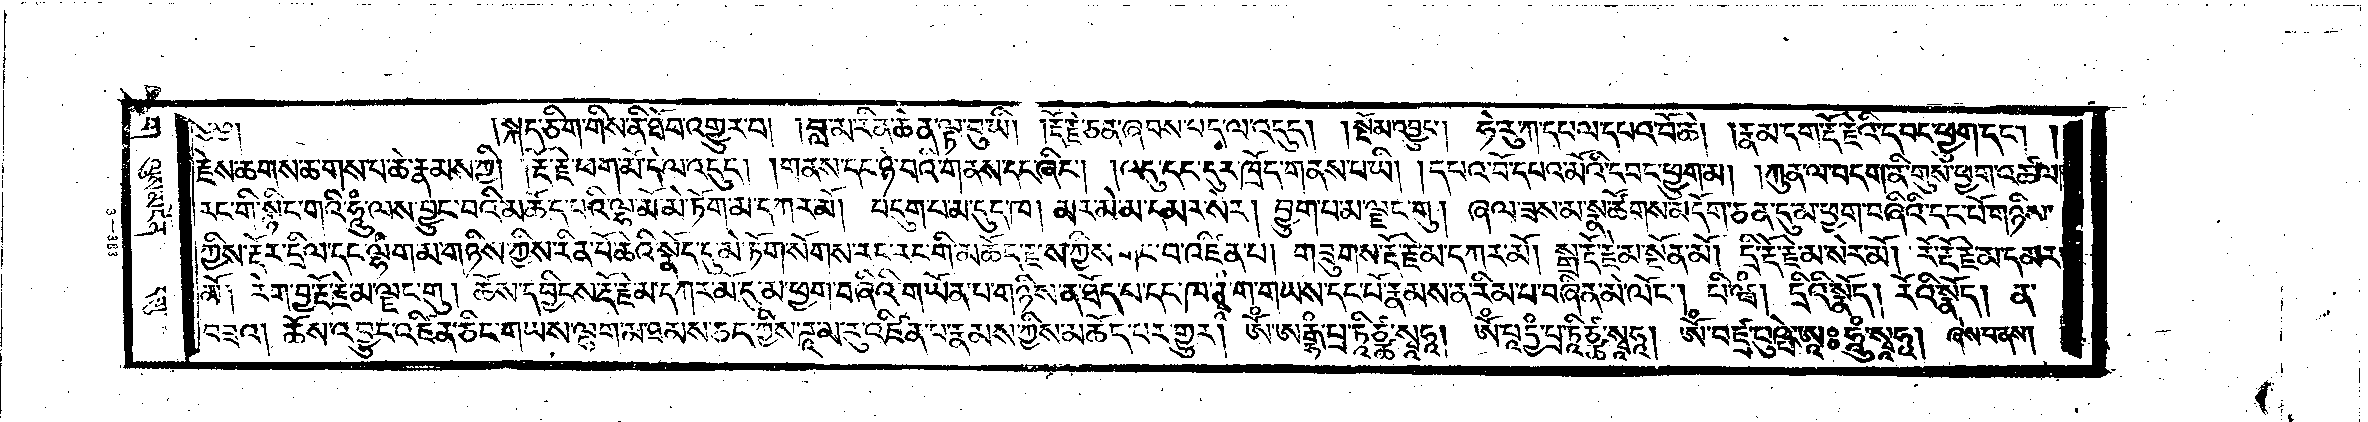༄༅། །སྐད་ཅིག་གིས་ནི་ཐོབ་འགྱུར་བ། །བླ་མ་རིན་ཆན་ལྟ་བུ་ཡི། །རྡོ་རྗེ་ཅན་ཞབས་པད་ལ་འདུད། །སྡོམ་འབྱུང་། ཧེ་རུ་ཀ་དཔལ་དཔའ་བོ་ཆེ། །རྣམ་དག་རྡོ་རྗེའི་དབང་ཕྱུག་དང་། །
རྗེས་ཆགས་ཆ་གས་པ་ཆེ་རྣམས་ཀྱི། །རྡོ་རྗེ་ཕག་མོ་དེ་ལ་འདུད། །གནས་དང་ཉེ་བའི་གནས་དང་ཞིང་། །འདུ་དང་དུར་ཁྲོད་གནས་པ་ཡི། །དཔའ་བོ་དཔའ་མོའི་དབང་ཕྱུག་མ། །ཀུན་ལ་བདག་ནི་གུས་ཕྱག་འཚལ་
རང་གི་སྙིང་གའི་ཧཱུཾ་ལས་བྱུང་བའི་མཆོད་པའི་ལྷ་མོ་མེ་ཏོག་མ་དཀར་མོ། བདུག་པ་མ་དུད་ཁ། མར་མེ་མ་དམར་སེར། བྱུག་པ་མ་ལྗང་གུ། ཞལ་ཟས་མ་སྣ་ཚོགས་མདོག་ཅན་དུ་མ་ཕྱག་བཞིའི་དང་པོ་གཉིས་
ཀྱིས་རྡོར་དྲིལ་དང་ལྷག་མ་གཉིས་ཀྱིས་རིན་པོ་ཆེའི་སྣོད་དུ་མེ་ཏོག་སོགས་རང་རང་གི་མཆོད་རྫས་ཀྱིས་གང་བ་འཛིན་པ། གཟུགས་རྡོ་རྗེ་མ་དཀར་མོ། སྒྲ་རྡོ་རྗེ་མ་སྔོན་མོ། དྲི་རྡོ་རྗེ་མ་སེར་མོ། རོ་རྡོ་རྗེ་མ་དམར་
མོ༑ རེག་བྱ་རྡོ་རྗེ་མ་ལྗང་གུ། ཆོས་དབྱིངས་རྡོ་རྗེ་མ་དཀར་མོ་དུ་མ་ཕྱག་བཞིའི་གཡོན་པ་གཉིས་ན་ཐོད་པ་དང་ཁ་ཊྭཱཾ་ག་གཡས་དང་པོ་རྣམས་ན་རིམ་པ་བཞིན་མེ་ལོང་། པི་ཝཾ། དྲིའི་སྣོད། རོའི་སྣོད། ན་
བཟའ། ཆོས་འབྱུང་འཛིན་ཅིང་གཡས་ལྷག་མ་ཐམས་ཅད་ཀྱིས་ཌཱ་མ་རུ་འཛིན་པ་རྣམས་ཀྱིས་མཆོད་པར་གྱུར། ཨོཾ་ཨརྒྷཾ་པྲ་ཏཱིཙྪ་སྭཱཧཱ། ཨོཾ་པཱདྱཾ་པྲ་ཏཱིཙྪ་སྭཱཧཱ། ཨོཾ་བཛྲ་པུཥྤེ་ཨཱཿཧཱུཾ་སྭཱཧཱ། ཞེས་པ་ནས།